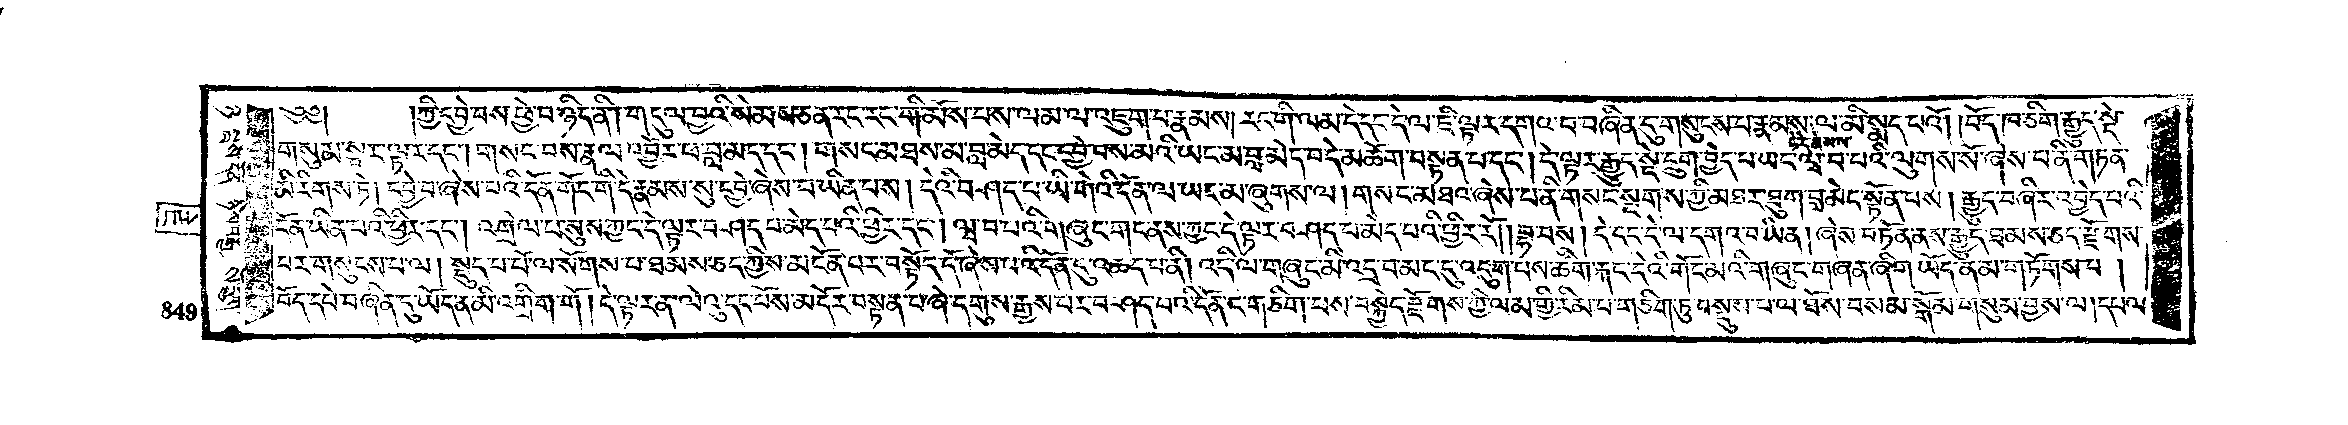༄༅། །ཀྱི་དབྱེ་བས་ཕྱེ་བ་ཉིད་ནི། གདུལ་བྱའི་སེམས་ཅན་རང་རང་གི་མོས་པས་ལམ་ལ་འཇུག་པ་རྣམས། རང་གི་ལམ་དེ་དང་དེ་ལ་ཇི་ལྟར་དགའ་བ་བཞིན་དུ་གསུངས་པ་རྣམས་ཏེ་དེ་རྣམས་ལ་མི་སྨད་པའོ། །བོད་ཁ་ཅིག་རྒྱུད་སྡེ་
གསུམ་སྔར་ལྟར་དང་། གསང་བས་རྣལ་འབྱོར་ཕ་བླ་མེད་དང་། གསང་མཐས་མ་བླ་མེད་དང་དབྱེ་བས་མའི་ཡང་མ་བླ་མེད་བདེ་མཆོག་བསྟན་པ་དང་། དེ་ལྟར་རྒྱུད་སྡེ་དྲུག་བྱེད་པ་ཡང་ལྭ་བ་པའི་ལུགས་སོ་ཞེས་པ་ནི་གཏན་
མི་རིགས་ཏེ། དབྱེ་བ་ཞེས་པའི་དོན་གོང་གི་དེ་རྣམས་སུ་དབྱེ་ཞེས་པ་ཡིན་པས། དེའི་བཤད་པ་ཡི་གེའི་དོན་ལ་ཡང་མ་ཞུགས་ལ། གསང་མཐའ་ཞེས་པ་ནི་གསང་སྔགས་ཀྱི་མཐར་ཐུག་བླ་མེད་སྟོན་པས། རྒྱུད་བཞིར་འབྱེད་པའི་
དོན་ཡིན་པའི་ཕྱིར་དང་། འགྲེལ་པ་སུས་ཀྱང་དེ་ལྟར་བཤད་པ་མེད་པའི་ཕྱིར་དང་། ལྭ་བ་པའི་གཞུང་གང་ནས་ཀྱང་དེ་ལྟར་བཤད་པ་མེད་པའི་ཕྱིར་རོ། །བྷ་བས། དེ་དང་དེ་ལ་དགའ་བ་ཡིན། ཞེས་བཏོན་ནས་རྒྱུད་ཐམས་ཅད་རྫོགས་
པར་གསུངས་པ་ལ། སྡུད་པ་པོ་ལ་སོགས་པ་ཐམས་ཅད་ཀྱིས་མངོན་པར་བསྟོད་དོ་ཞེས་པའི་དོན་དུ་འཆད་པ་ནི། འདི་ལ་གཞུང་མི་འདྲ་བ་མང་དུ་འདུག་པས་ཚིག་རྐང་དེའི་གོང་མའི་གཞུང་གཞན་ཞིག་ཡོད་ན་མ་གཏོགས་པ།
བོད་དཔེ་བཞིན་དུ་ཡོད་ན་མི་འགྲིག་གོ །དེ་ལྟར་ན་ལེའུ་དང་པོས་མདོར་བསྟན་པ་ཞེ་དགུས་རྒྱས་པར་བཤད་པའི་དོན་ང་གཅིག་པས་བསྐྱེད་རྫོགས་ཀྱི་ལམ་གྱི་རིམ་པ་གཅིག་ཏུ་བསྡུས་པ་ལ་ཐོས་བསམ་སྒོམ་གསུམ་བྱས་ལ། དཔལ་